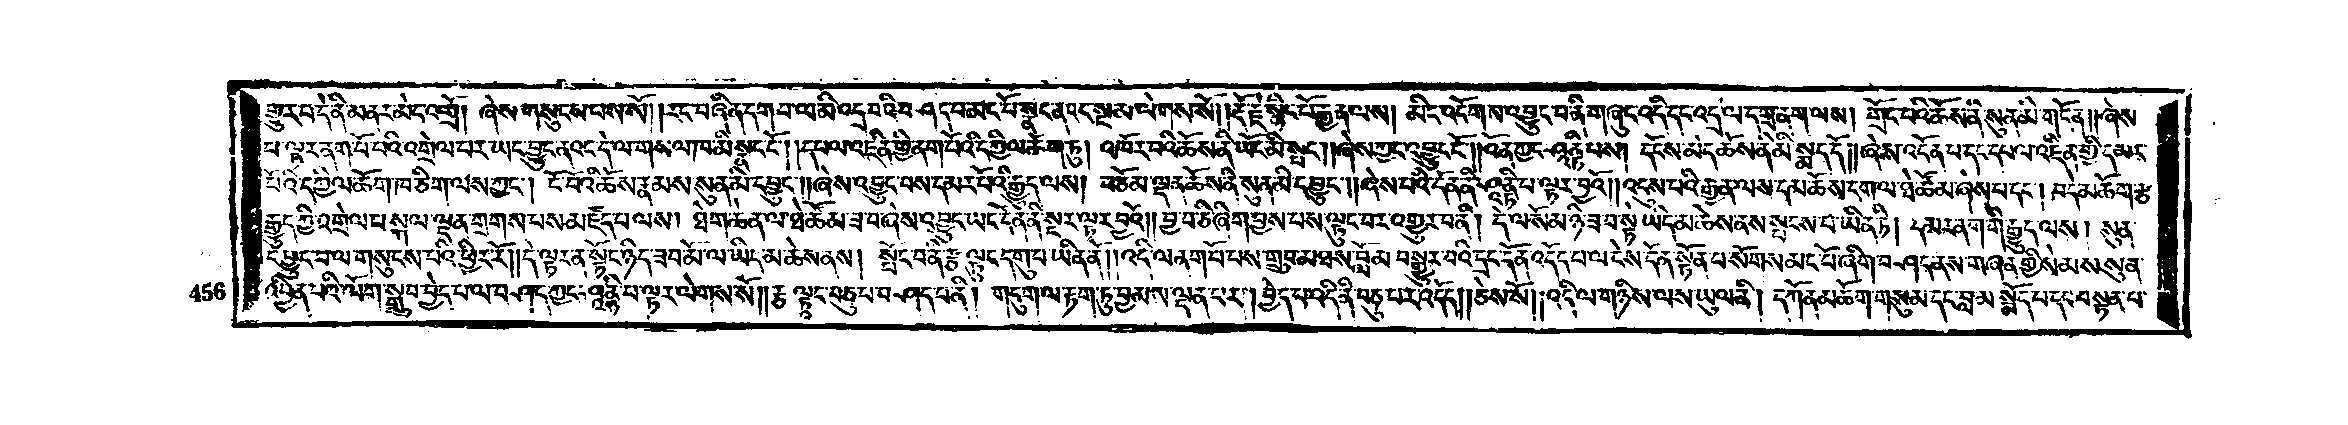གྱུར་པ་དེ་ནི་མནར་མེད་འགྲོ། ཞེས་གསུངས་པས་སོ། །རང་བཞིན་དག་པ་ལ་མི་འདྲ་བའི་བཤད་པ་མང་པོ་སྣང་ནའང་སྔ་མ་ལེགས་སོ། །རྡོ་རྗེ་སྙིང་པོ་རྒྱན་ལས། མིང་འདོགས་འབྱུང་བ་ནི་གཞུང་འདི་དང་འདྲ་ལ་དགྲ་ནག་ལས། གྲོང་བའི་ཆོས་ནི་སུན་མི་གདོན། །ཞེས་
པ་ལྟར་ནག་པོ་པའི་འགྲེལ་པར་ཡང་བྱུང་ནའང་དེ་ལ་གསལ་ཁ་མི་སྣང་ངོ། །དཔལ་འཛིན་གྱི་ནག་པོའི་དཀྱིལ་ཆོག་ཏུ། འཁོར་བའི་ཆོས་ནི་ཡོང་མི་སྤང་། །ཞེས་ཀྱང་འབྱུང་ངོ། །འོན་ཀྱང་ཤཱནྟི་པས། དངོས་མེད་ཆོས་ནི་མི་སྨད་དོ། །ཞེས་འདོན་པ་དང་དཔལ་འཛིན་གྱི་དམར་
པོའི་དཀྱིལ་ཆོག་ཁ་ཅིག་ལས་ཀྱང་། ངོ་བོའི་ཆོས་རྣམས་སུན་མི་དབྱུང་། །ཞེས་འབྱུང་བས་དམར་པོའི་རྒྱུད་ལས། བཅོམ་ལྡན་ཆོས་ནི་སུན་མི་དབྱུང་། །ཞེས་པའི་དོན་ནི་ཤཱནྟི་པ་ལྟར་བྱའོ། །འདུས་པའི་རྒྱན་ལས་དམ་ཆོས་དག་ལ་ཐེ་ཚོམ་ཞེས་པ་དང་། བདེ་མཆོག་རྩ་
རྒྱུད་ཀྱི་འགྲེལ་པ་སྐལ་ལྡན་གྲགས་པས་མཛད་པ་ལས། ཐེག་ཆེན་ལ་ཐེ་ཚོམ་ཟ་བ་ཞེས་འབྱུང་ཡང་དོན་ནི་སྔར་ལྟར་བྱའོ། །བྱ་བ་ཅི་ཞིག་བྱས་པས་ལྟུང་བར་འགྱུར་བ་ནི། དེ་ལ་སོམ་ཉི་ཟ་བ་སྟེ་ཡིད་མ་ཆེས་ནས་སྤངས་པ་ཡིན་ཏེ། དམར་ནག་གི་རྒྱུད་ལས། སུན་
དབྱུང་བ་ལ་གསུངས་པའི་ཕྱིར་རོ། །དེ་ལྟར་ན་སྟོང་ཉིད་ཟབ་མོ་ལ་ཡིད་མ་ཆེས་ནས། སྤོང་བ་ནི་རྩ་ལྟུང་དགུ་པ་ཡིན་ནོ། །འདི་ལ་ནག་པོ་པས་གྲུབ་མཐས་བློ་མ་བསྒྱུར་བའི་དྲང་དོན་འདོད་པ་ལ་ངེས་དོན་སྟོན་པ་སོགས་མང་པོ་ཞིག་བཤད་ནས་གཞན་གྱི་སེམས་སུན་
འབྱིན་པའི་ལོག་སྒྲུབ་བྱེད་པ་ལ་བཤད་ཀྱང་ཤཱནྟི་པ་ལྟར་ལེགས་སོ། །རྩ་ལྟཱང་བཅུ་པ་བཤད་པ་ནི། གདུག་ལ་རྟག་ཏུ་བྱམས་ལྡན་པར། །བྱེད་པ་འདི་ནི་བཅུ་པར་འདོད། །ཅེས་སོ། །འདི་ལ་གཉིས་ལས་ཡུལ་ནི། དཀོན་མཆོག་གསུམ་དང་བླ་མ་སྨོད་པ་དང་བསྟན་པ་